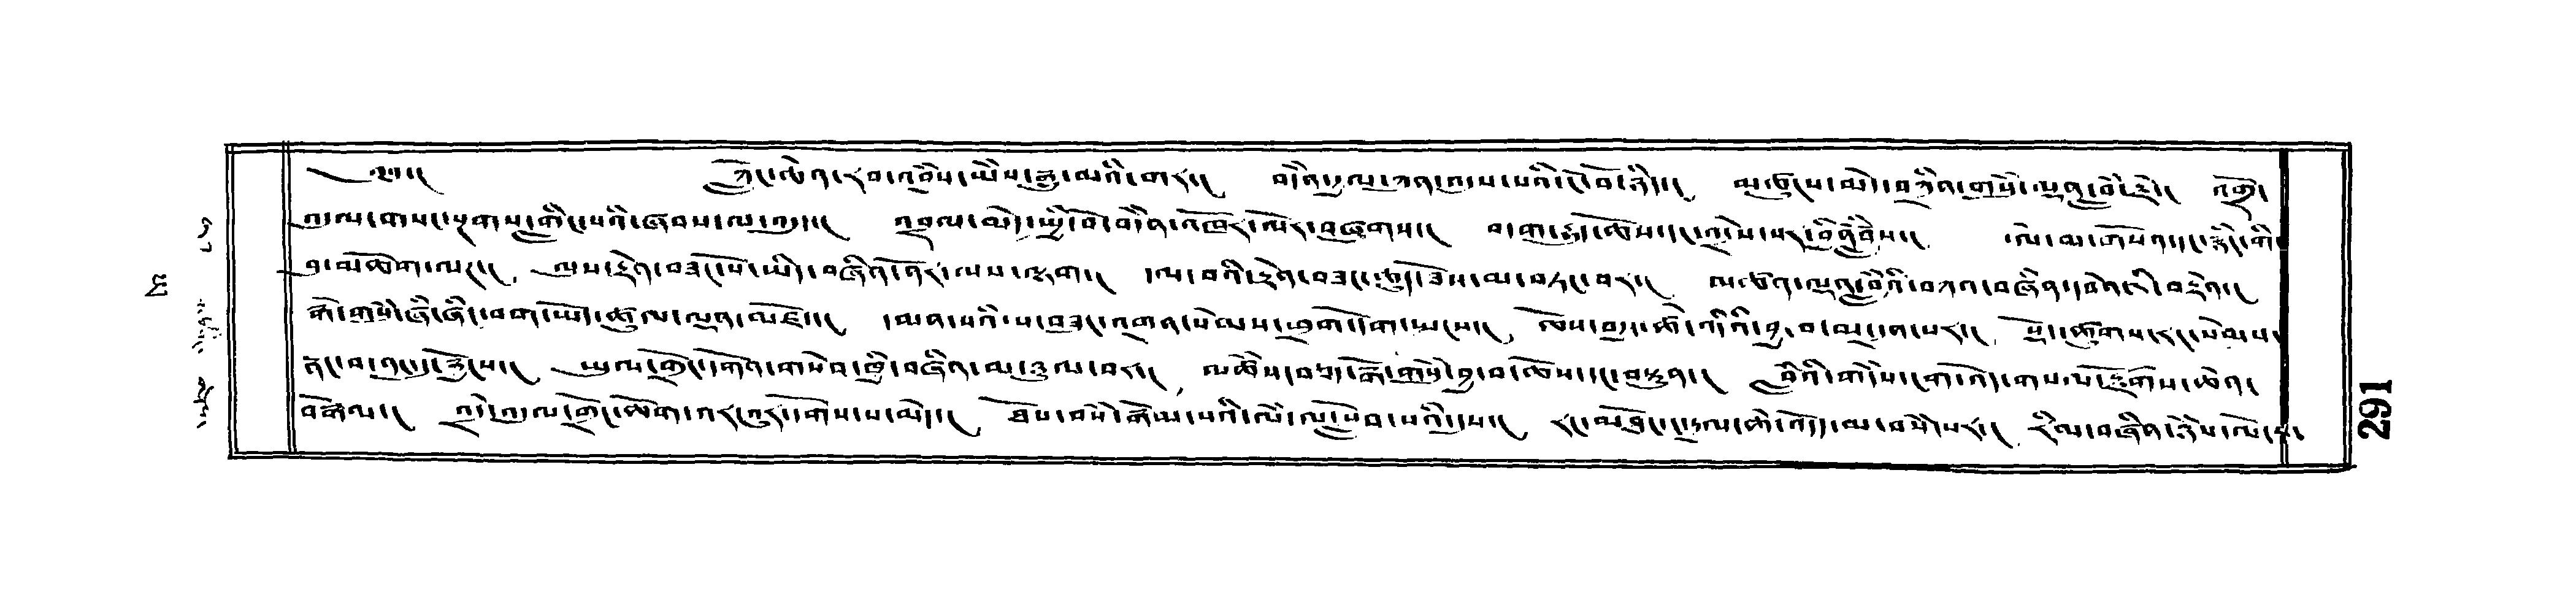ཀློང་ཆེན་རབ་འབྱམས་ཡེ་ཤེས་སྒྱུ་མའི་གར། །བདེ་ཆེན་རྒྱལ་ཀུན་འདུས་པའི་ངོ་བོ་ཉིད། །མཚུངས་མེད་བཀའ་དྲིན་གསུམ་ལྡན་བླ་མ་རྗེ། །འགྲོ་
འདུལ་གསང་སྔགས་གླིང་པའི་ཞབས་ལ་འདུད། །འབྲལ་མེད་སྤྱི་བོ་བདེ་ཆེན་འཁོར་ལོར་བཞུགས། །བདག་རྒྱུད་ཆོས་དང་འདྲེས་པར་བྱིན་གྱིས་རློབས། །ཨེ་མ་གསོན་དང་སྙིང་གི་
བུ་མཆོག་ལགས། །ལུས་རྟེན་བཟང་པོ་ཡིད་བཞིན་ནོར་ལས་ལྷག །དལ་བའི་རྟེན་བཟང་ཆུད་ཟོས་མ་བཏང་བར། །མཚན་ལྡན་བླ་མའི་བཀའ་བཞིན་དབེན་རི་བསྟེན། །
སྒོ་གསུམ་ཞི་ཞིང་བག་ཡོད་ཚུལ་ལྡན་མཛོད། །དམན་པའི་ས་བཟུང་འགྲན་སེམས་ཕྲག་དོག་སྤོངས། །ཆོས་བརྒྱད་ཚེ་འདིའི་བྱ་བ་མ་དྲན་པར། །སྡོད་ཚུགས་རང་སེམས་
སྣང་བ་ནང་དུ་སྐྱོངས། །ཡུལ་གྲོང་དགོན་གསེབ་ཁྱི་བཞིན་མ་ཉུལ་བར། །མཚམས་བཅད་སྒོ་གསུམ་བྱ་བ་ཆོས་དང་བསྟུན། །བླ་མའི་གདམས་ངག་འོད་གསལ་རྫོགས་ཆེན་
བསྒོམ། །འདྲེ་འདུལ་གྲོང་ཆོག་འར་འུར་དགོས་པ་མེད། །ཐོས་བསམ་སྒོམ་པའི་ལམ་ལ་སློབ་པའི་དུས། །རང་མཐོང་ང་རྒྱལ་ཆེ་འདོད་མ་བསམ་པར། །རིམ་བཞིན་ཉམས་ལོངས་